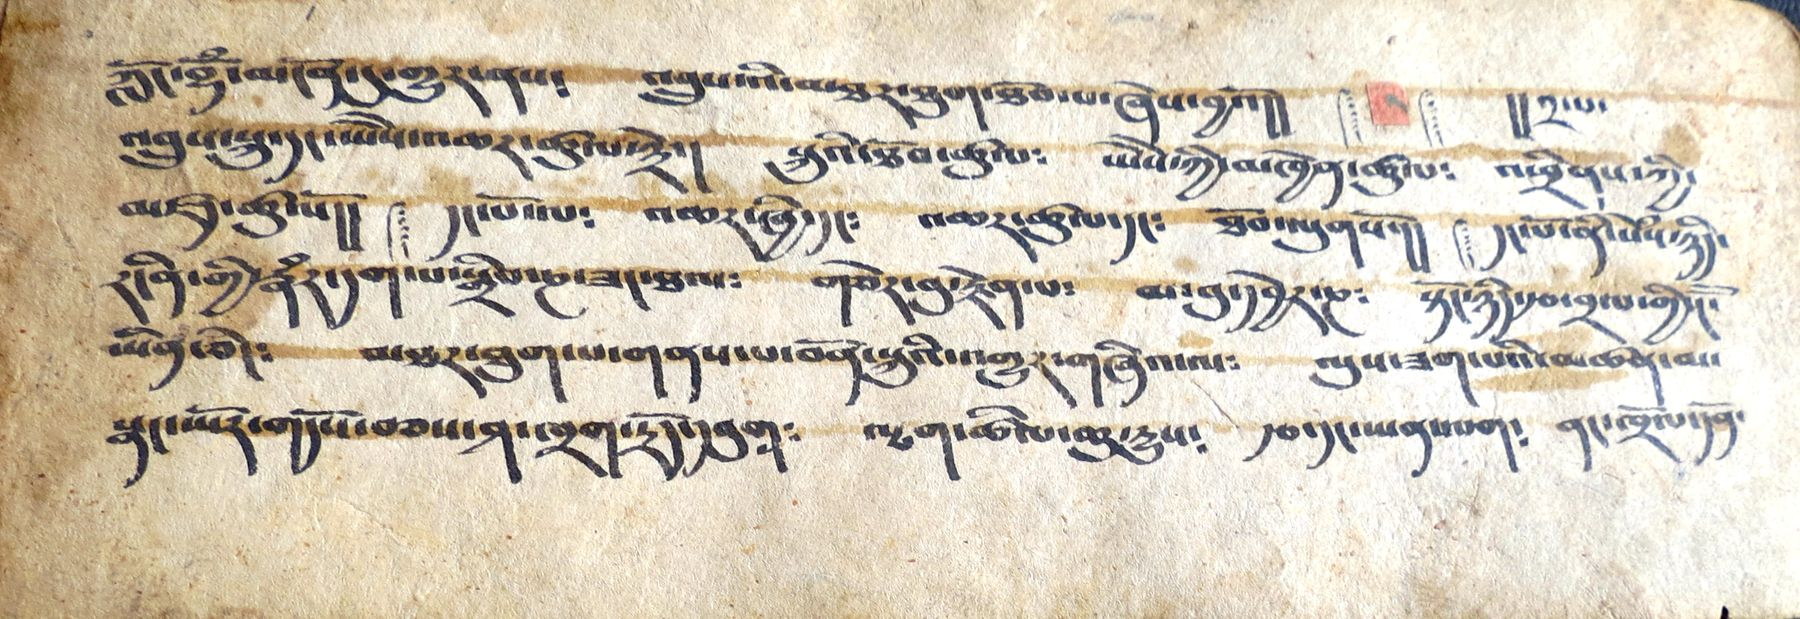ཀློང་སྒོམ་མངོན་དུ་གྱུར་ནས། འབྲས་བུ་མཐར་ཐུག་ཐོབ་པ་ཞེས་བྱའོ། ། གསུམ་པ་
འབྲས་བུ་སྐུ་དང་ཡེ་ཤེས་ཀྱི་འཆར་ཚུལ་ལ་གསུམ་སྟེ། སྐུའི་ཐོབ་ཚུལ། ཡེ་ཤེས་ཀྱི་མཁྱེན་ཚུལ། འཕྲིན་ལས་ཀྱི་
མཛད་ཚུལ་ལོ། དང་པོ་ལ་འཆར་གཞི་དང་། འཆར་ཚུལ་དང་། ཐོབ་ལུགས་སོ། དང་པོ་ནི། སེམས་ཉིད་
རང་བཞིན་གྱིས་རྣམ་པར་དག་པ། སྒྲིབ་མེད་ཟང་ཐལ། གཅེར་བུ་རྗེན་པ། མ་བུ་དབྱེར་མེད། སྟོང་ཉིད་རྩ་བྲལ་གྱི་ངོ་བོ་
སྨིན་ཅིང་། མཐར་ཐུག་པར་གནས་པ་བོན་སྐུའི་འགྱུར་གཞི་ལ། ལུས་ཟག་པའི་མཚན་མ་
སྣང་ཡོར་གདོས་བཅས་ཤ་ཁྲག་དྲོད་དབུགས། ལྤགས་ཚིལ་ཆུ་རྒྱུས། རྩ་དང་ཡན་ལག ནང་ཁྲོལ་དོན་